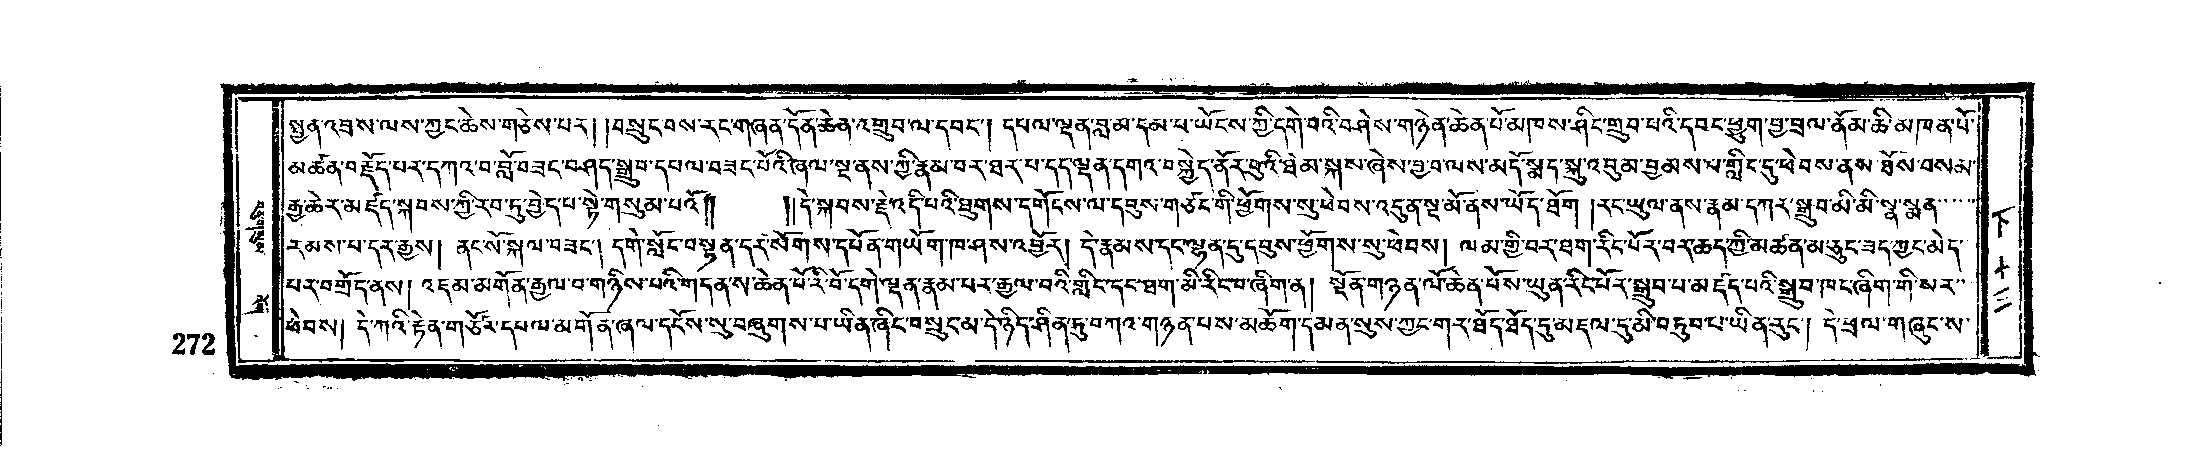སྤྱན་འབྲས་ལས་ཀྱང་ཆེས་གཅེས་པར། །བསྲུང་བས་རང་གཞན་དོན་ཆེན་འགྲུབ་ལ་དབང་། དཔལ་ལྡན་བླ་མ་དམ་པ་ཡོངས་ཀྱི་དགེ་བའི་བཤེས་གཉེན་ཆེན་པོ་མཁས་ཤིང་གྲུབ་པའི་དབང་ཕྱུག་བྱ་བྲལ་ནོམ་ཆི་མཁན་པོ་
མཚན་བརྗོད་པར་དཀའ་བ་བློ་བཟང་བཤད་སྒྲུབ་དཔལ་བཟང་པོའི་ཞལ་སྔ་ནས་ཀྱི་རྣམ་པར་ཐར་པ་དད་ལྡན་དགའ་བསྐྱེད་ནོར་བུའི་ཐེམ་སྐས་ཞེས་བྱ་བ་ལས་མདོ་སྨད་སྐུ་འབུམ་བྱམས་པ་གླིང་དུ་ཕེབས་ནས་ཐོས་བསམ་
རྒྱ་ཆེར་མཛད་སྐབས་ཀྱི་རབ་ཏུ་བྱེད་པ་སྟེ་གསུམ་པའོ།། །།དེ་སྐབས་རྗེ་འདི་པའི་ཐུགས་དགོངས་ལ་དབུས་གཙང་གི་ཕྱོགས་སུ་ཕེབས་འདུན་སྔ་མོ་ནས་ཡོད་ཐོག །རང་ཡུལ་ནས་རྣམ་དཀར་སྒྲུབ་མི་མི་སྣ་སྨན་
རམས་པ་དར་རྒྱས། ནང་སོ་སྐལ་བཟང་། དགེ་སློང་བསྟན་དར་སོགས་དཔོན་གཡོག་ཁ་ཤས་འབྱོར། དེ་རྣམས་དང་ལྷན་དུ་དབུས་ཕྱོགས་སུ་ཕེབས། ལམ་གྱི་བར་ཐག་རིང་པོར་བར་ཆད་ཀྱི་མཚན་མ་ཅུང་ཟད་ཀྱང་མེད་
པར་བགྲོད་ནས། འཇམ་མགོན་རྒྱལ་བ་གཉིས་པའི་གདན་ས་ཆེན་པོ་རི་བོ་དགེ་ལྡན་རྣམ་པར་རྒྱལ་བའི་གླིང་དང་ཐག་མི་རིང་བ་ཞིག་ན། སྔོན་གཉན་ལོ་ཆེན་པོས་ཡུན་རིང་པོར་སྒྲུབ་པ་མཛད་པའི་སྒྲུབ་ཁང་ཞིག་གི་སར་
ཕེབས། དེ་ཀའི་རྟེན་གཙོར་དཔལ་མགོན་ཞལ་དངོས་སུ་བཞུགས་པ་ཡིན་ཞིང་བསྲུང་མ་དེ་ཉིད་ཤིན་ཏུ་བཀའ་གཉན་པས་མཆོག་དམན་སུས་ཀྱང་གར་ཐོད་ཐོད་དུ་མཇལ་དུ་མི་བཏུབ་པ་ཡིན་རུང་། དེ་ཕྲལ་གཞུང་ས་